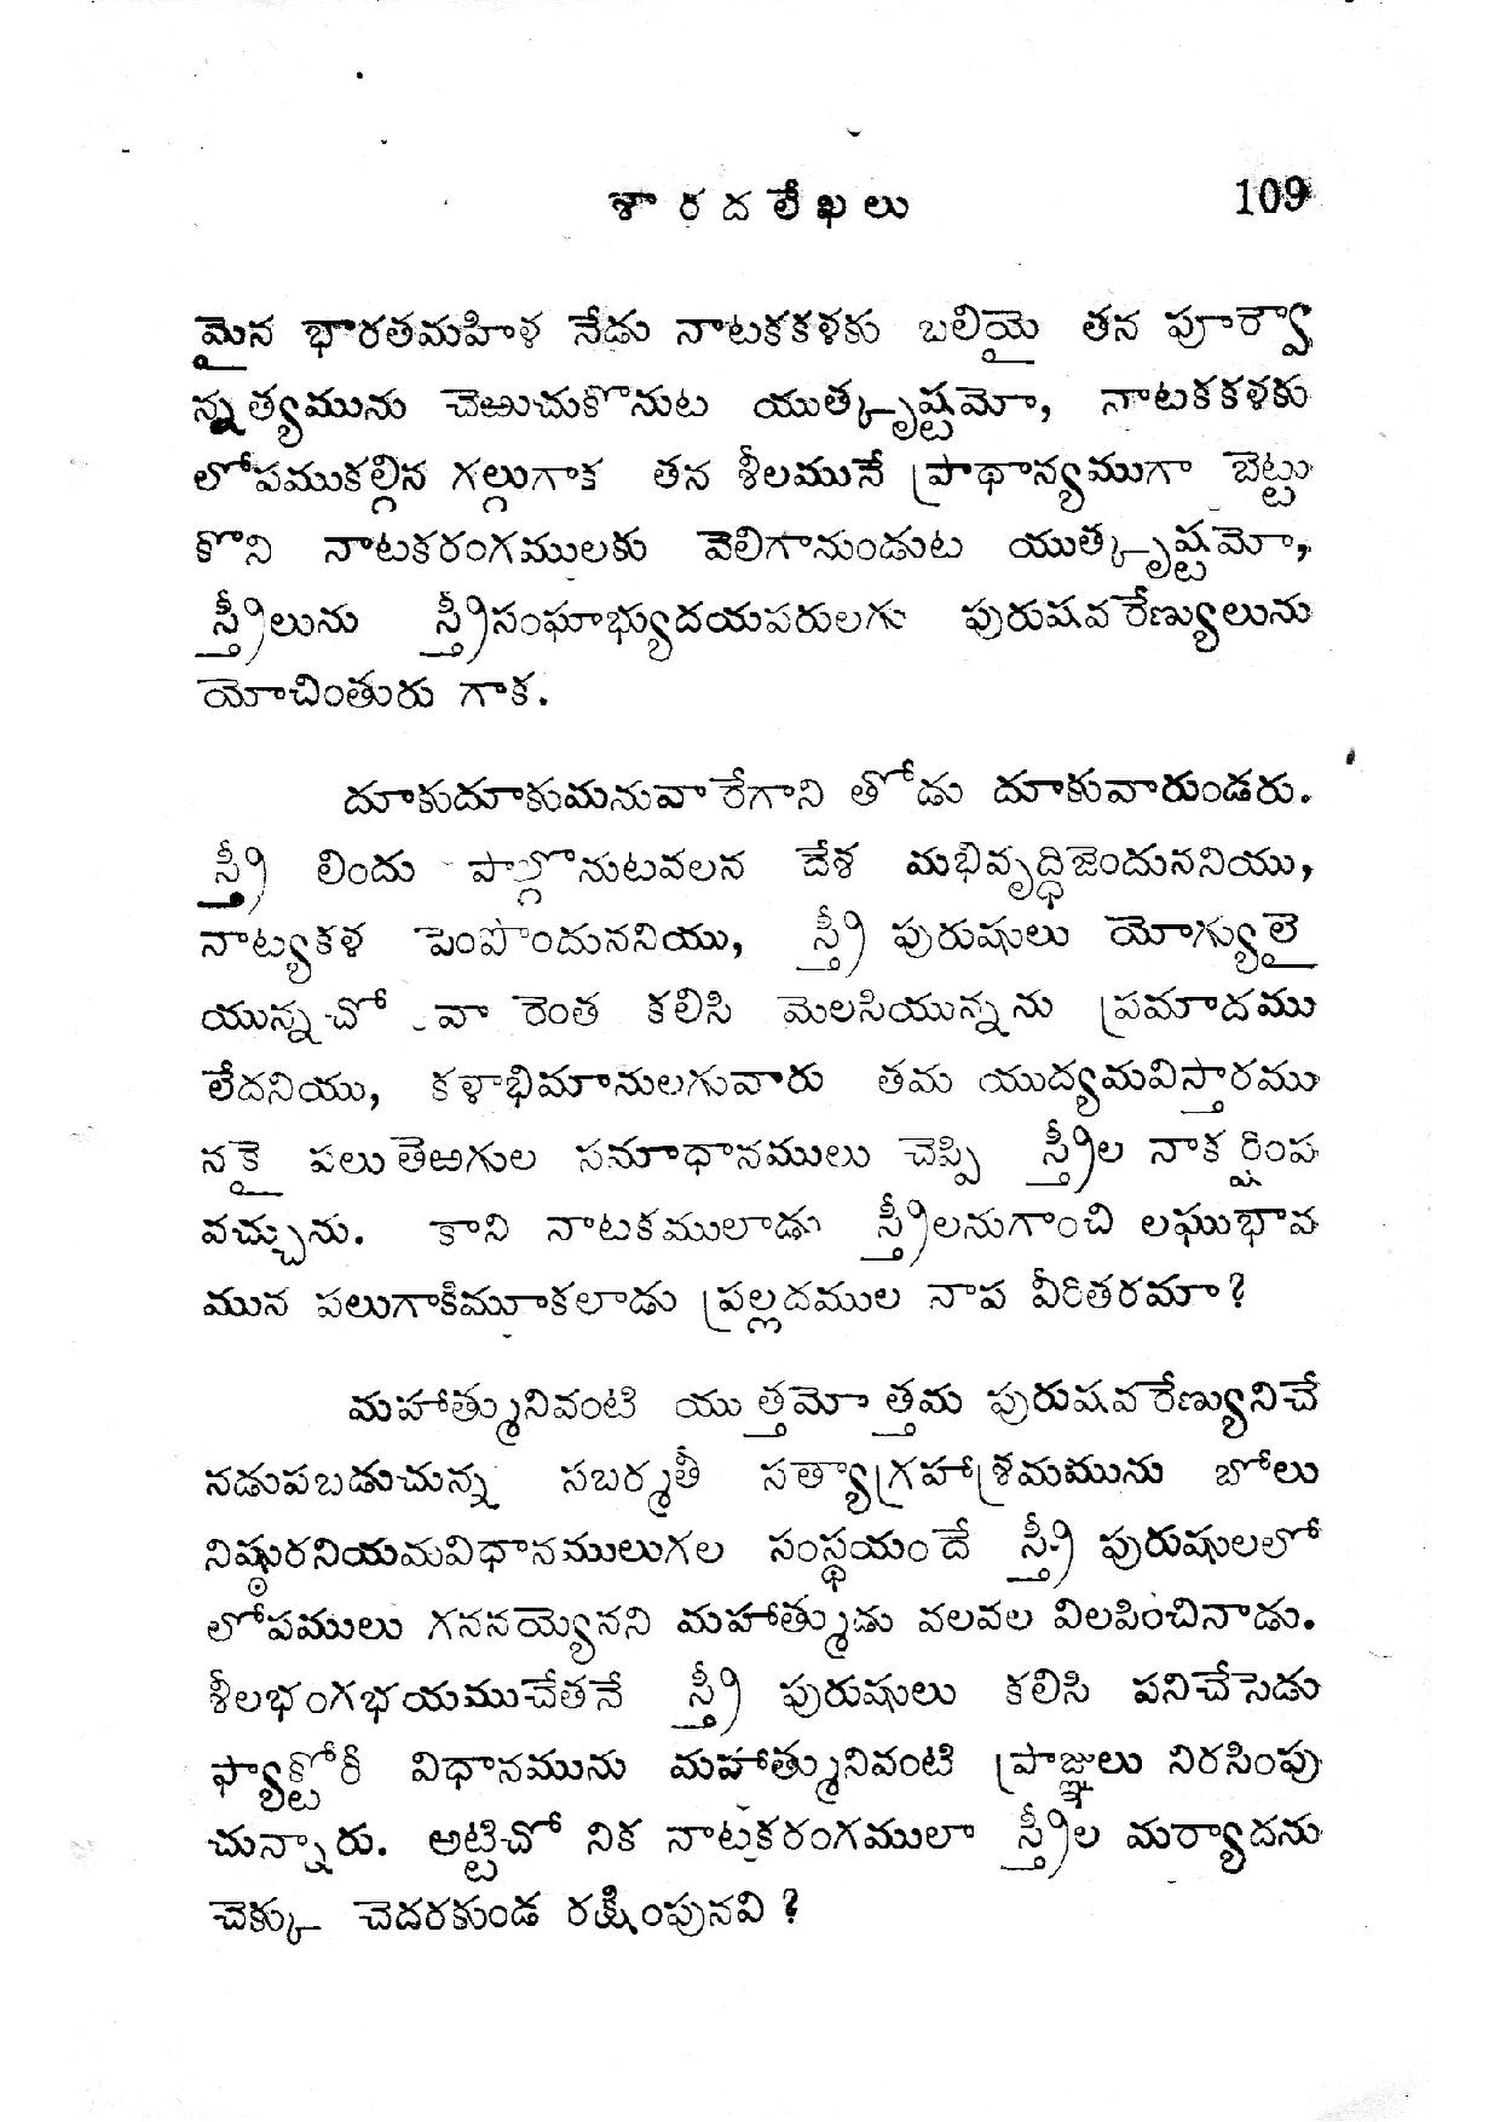మైన భారతమహిళ నేడు నాటకకళకు బలియై తన పూర్వౌన్నత్యమును చెఱుచుకొనుట యుత్కృష్టమో, నాటకకళకు లోపముకల్గిన గల్గుగాక తన శీలమునే ప్రాథాన్యముగా బెట్టుకొని నాటకరంగములకు వెలిగానుండుట యుత్కృష్టమో, స్త్రీలును స్త్రీసంఘాభ్యుదయపరులగు పురుషవరేణ్యులును యోచింతురు గాక.

దూకుదూకుమనువారేగాని తోడు దూకువారుండరు. స్త్రీ లిందు పాల్గొనుటవలన దేశ మభివృద్ధిజెందుననియు, నాట్యకళ పెంపొందుననియు, స్త్రీ పురుషులు యోగ్యులై యున్నచో వా రెంత కలిసి మెలసియున్నను ప్రమాదము లేదనియు, కళాభిమానులగువారు తమ యుద్యమవిస్తారమునకై పలుతెఱగుల సమాధానములు చెప్పి స్త్రీల నాకర్షింప వచ్చును. కాని నాటకములాడు స్త్రీలనుగాంచి లఘుభావమున పలుగాకిమూకలాడు ప్రల్లదముల నాప వీరితరమా?

మహాత్మునివంటి యుత్తమోత్తమ పురుషవరేణ్యునిచే నడుపబడుచున్న సబర్మతీ సత్యాగ్రహాశ్రమమును బోలు
నిష్ఠురనియమవిధానములుగల సంస్థయందే స్త్రీ పురుషులలో లోపములు గననయ్యెనని మహాత్ముడు వలవల విలపించినాడు. శీలభంగభయముచేతనే స్త్రీ పురుషులు కలిసి పనిచేసెడు ఫ్యాక్టోరీ విధానమును మహాత్మునివంటి ప్రాజ్ఞులు నిరసింపుచున్నారు. అట్టిచో నిక నాటకరంగములా స్త్రీల మర్యాదను చెక్కు చెదరకుండ రక్షింపునవి ?